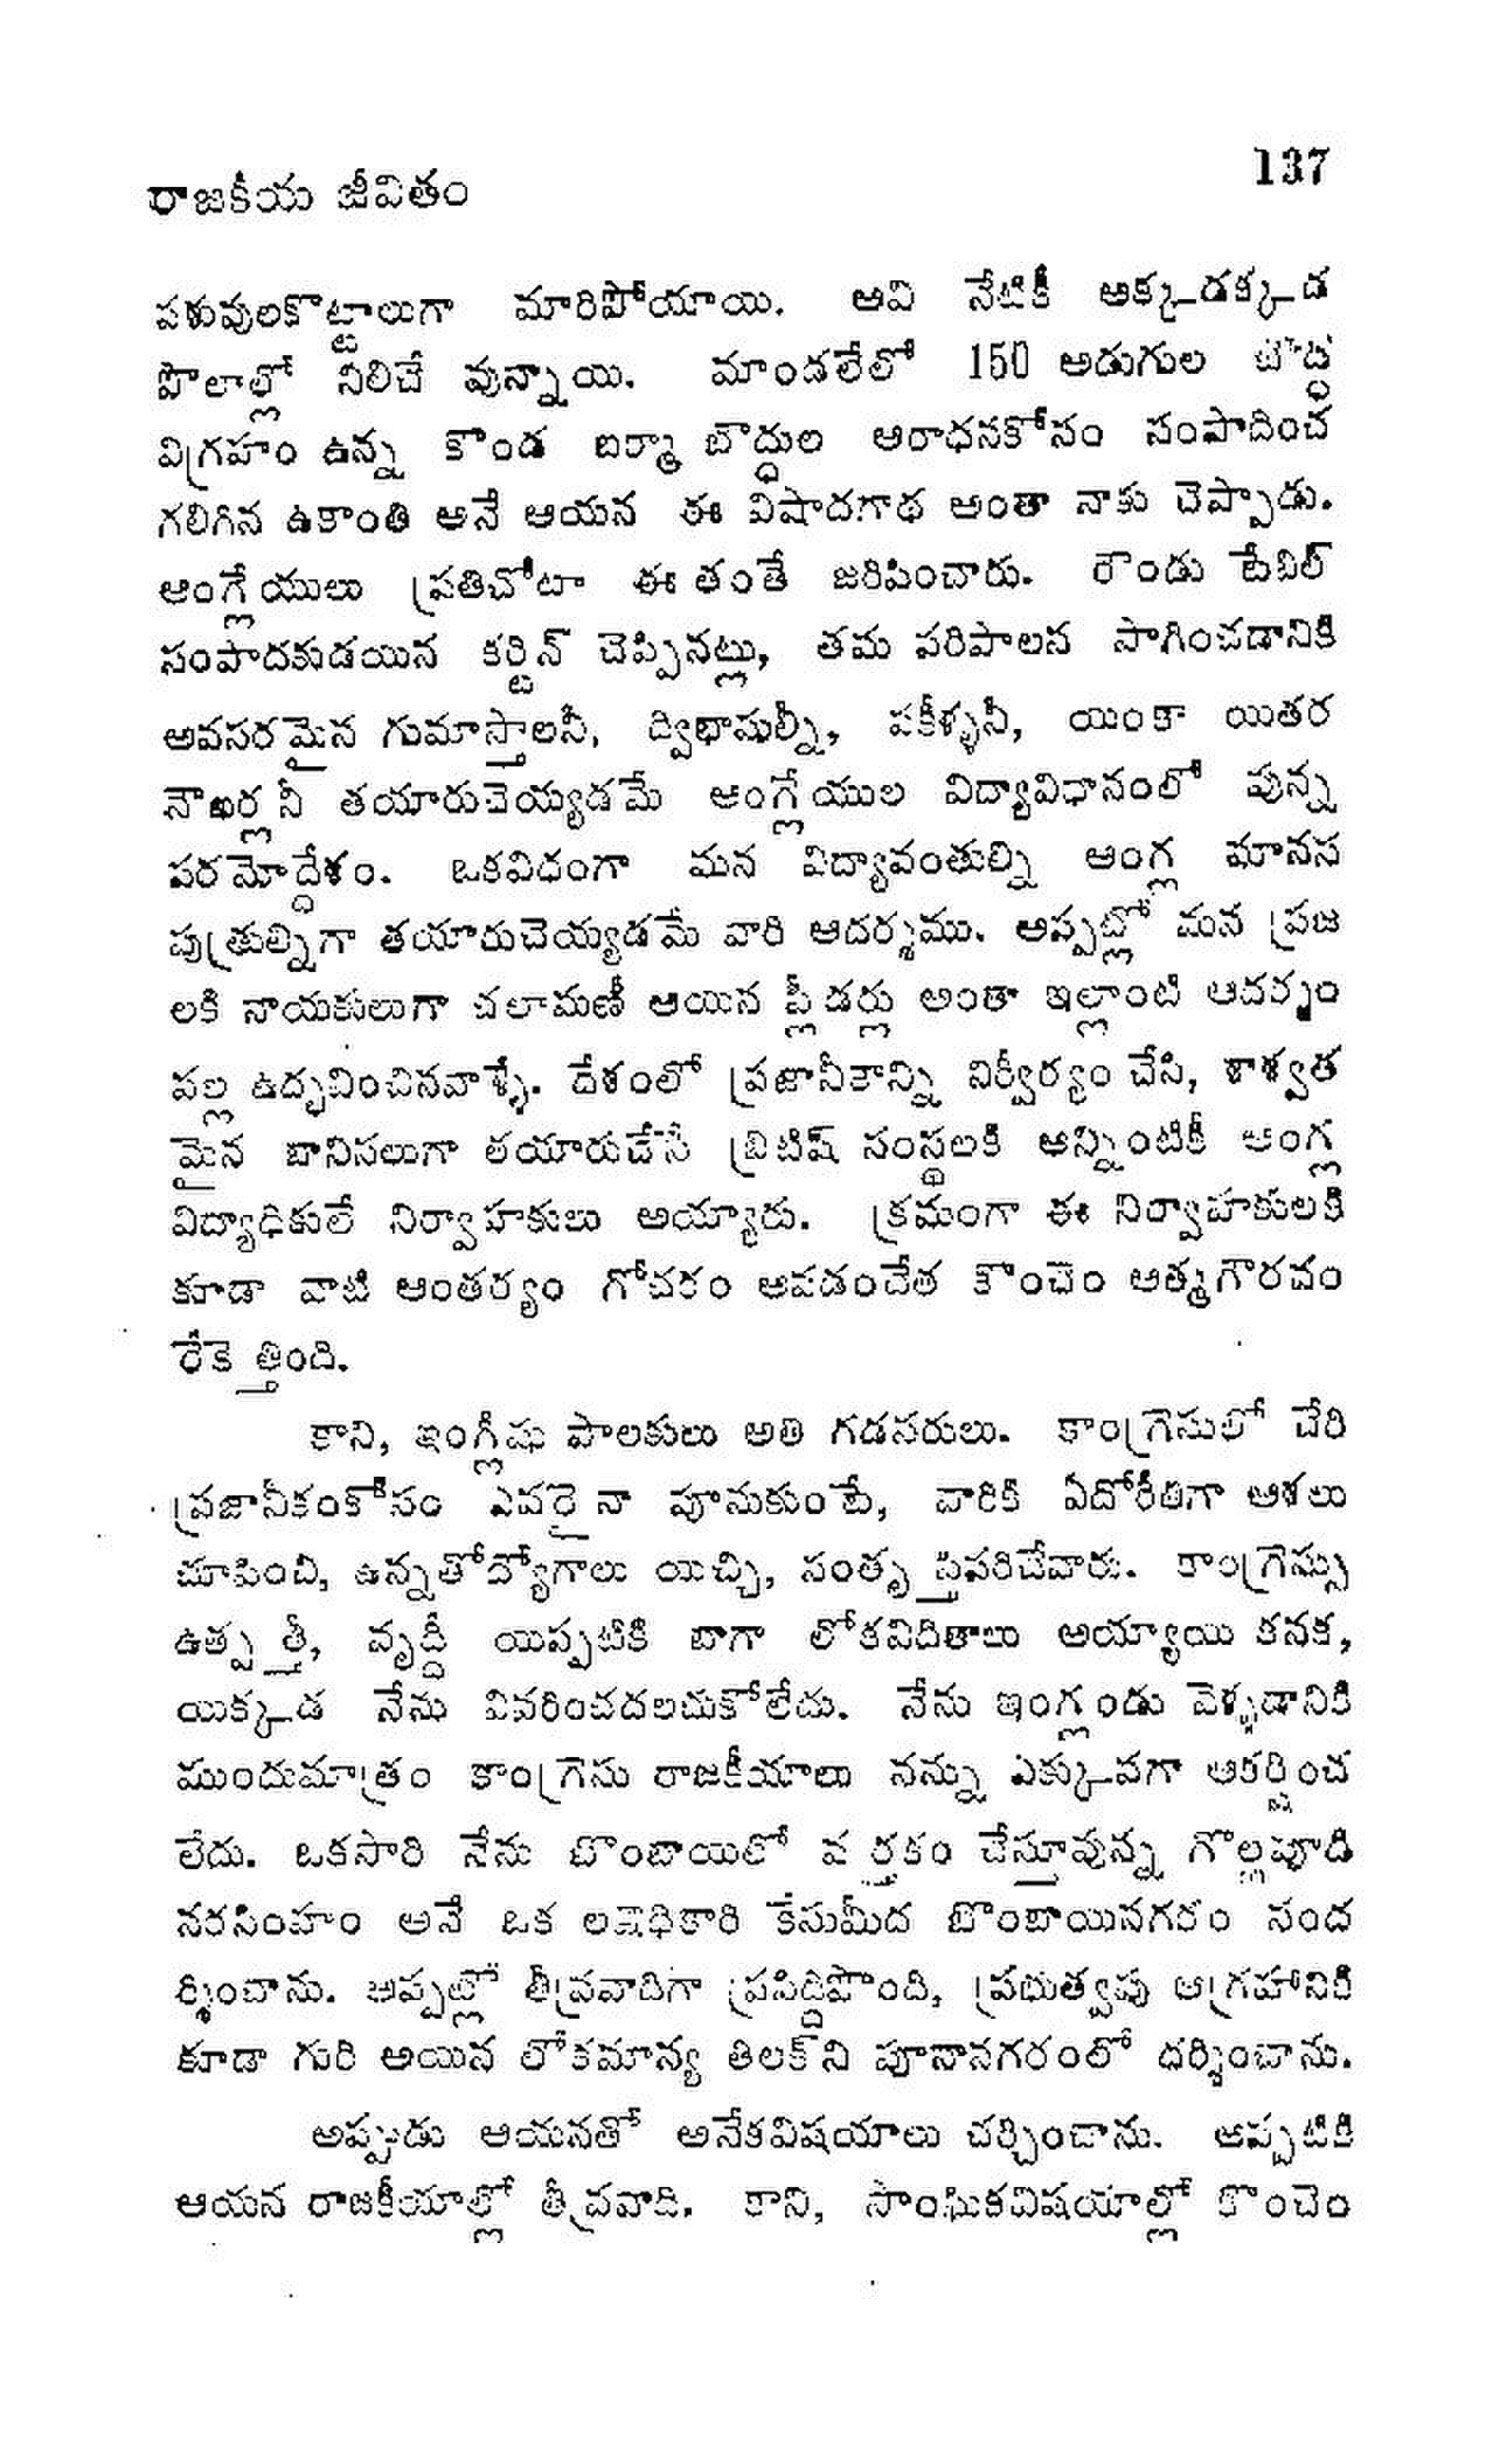పశువులకొట్టాలుగా మారిపోయాయి. అవి నేటికీ అక్కడక్కడ పొలాల్లో నిలిచే వున్నాయి. మాండలేలో 150 అడుగుల బౌద్ద విగ్రహం ఉన్న కొండ బర్మా బౌద్ధుల ఆరాధనకోసం సంపాదించ గలిగిన ఉకాంతి అనే ఆయన ఈ విషాదగాథ అంతా నాకు చెప్పాడు. ఆంగ్లేయులు ప్రతిచోటా ఈ తంతే జరిపించారు. రౌండు టేబిల్ సంపాదకుడయిన కర్టిన్ చెప్పినట్లు, తమ పరిపాలన సాగించడానికి అవసరమైన గుమాస్తాలనీ, ద్విభాషుల్నీ, వకీళ్ళనీ, యింకా యితర నౌఖర్లనీ తయారుచెయ్యడమే ఆంగ్లేయుల విద్యావిధానంలో వున్న పరమోద్దేశం ఒకవిధంగా మన విద్యావంతుల్ని ఆంగ్ల మానస పుత్రుల్నిగా తయారుచెయ్యడమే వారి ఆదర్శము. అప్పట్లో మన ప్రజలకి నాయకులుగా చలామణీ అయిన ప్లీడర్లు అంతా ఇల్లాంటి ఆదర్శం వల్ల ఉద్భవించినవాళ్ళే. దేశంలో ప్రజానీకాన్ని నిర్వీర్యం చేసి, శాశ్వతమైన బానిసలుగా తయారుచేసి బ్రిటిష్ సంస్థలకి అన్నింటికీ ఆంగ్ల విద్యాధికులే నిర్వాహకులు అయ్యారు. క్రమంగా ఈ నిర్వాహకులకి కూడా వాటి ఆంతర్యం గోచరం అవడంచేత కొంచెం ఆత్మగౌరవం రేకెత్తింది.

కాని, ఇంగ్లీషు పాలకులు అతి గడసరులు. కాంగ్రెసులో చేరి ప్రజానీకంకోసం ఎవరైనా పూనుకుంటే, వారికి ఏదోరీతిగా ఆశలు చూపించి, ఉన్నతోద్యోగాలు యిచ్చి, సంతృప్తిపరిచేవారు. కాంగ్రెస్సు ఉత్పత్తీ, వృద్ధీ యిప్పటికి బాగా లోకవిదితాలు అయ్యాయి కనక, యిక్కడ నేను వివరించదలచుకోలేదు. నేను ఇంగ్లండు వెళ్ళడానికి ముందుమాత్రం కాంగ్రెసు రాజకీయాలు నన్ను ఎక్కువగా ఆకర్షించలేదు. ఒకసారి నేను బొంబాయిలో వర్తకం చేస్తూవున్న గొల్లపూడి నరసింహం అనే ఒక లక్షాధికారి కేసుమీద బొంబాయినగరం సందర్శించాను. అప్పట్లో తీవ్రవాదిగా ప్రసిద్ధిపొంది, ప్రభుత్వపు ఆగ్రహానికి కూడా గురి అయిన లోకమాన్య తిలక్‌ని పూనానగరంలో దర్శించాను.

అప్పుడు ఆయనతో అనేకవిషయాలు చర్చించాను. అప్పటికి ఆయన రాజకీయాల్లో తీవ్రవాది. కాని, సాంఘికవిషయాల్లో కొంచెం